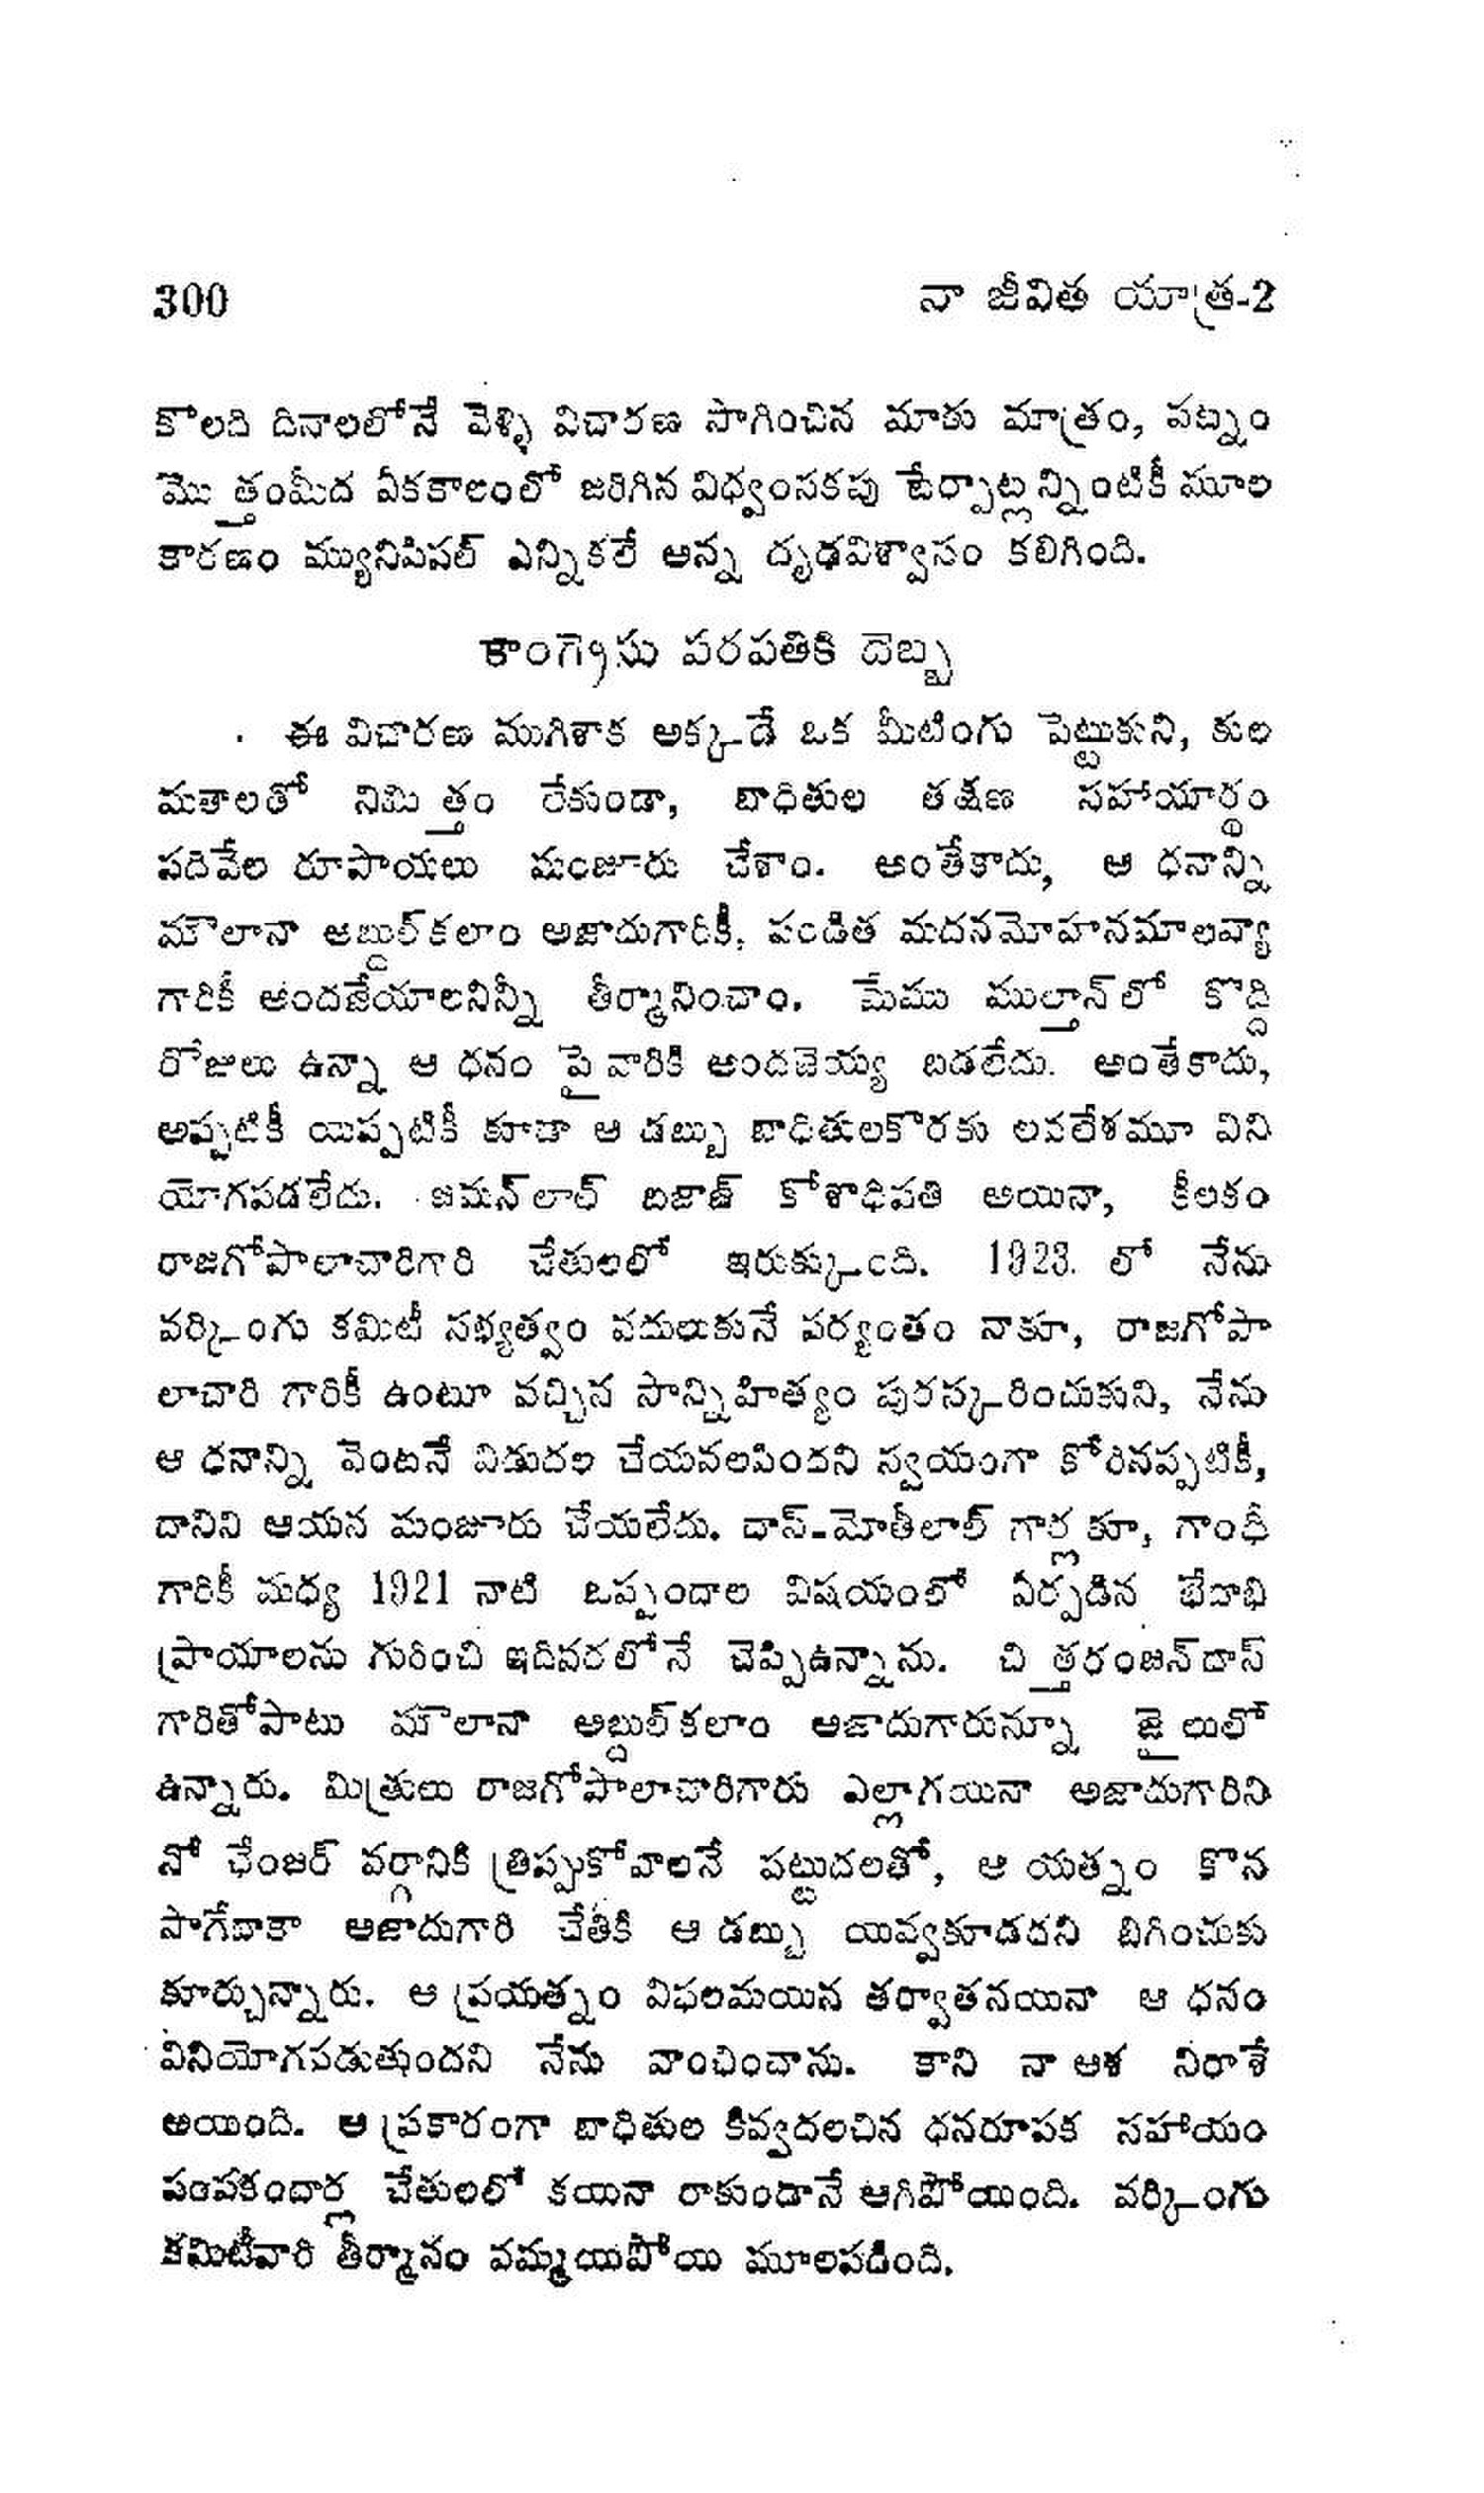కొలది దినాలలోనే వెళ్ళి విచారణ సాగించిన మాకు మాత్రం, పట్నం మొత్తంమీద ఏకకాలంలో జరిగిన విధ్వంసకపు టేర్పాట్లన్నింటికీ మూల కారణం మ్యునిసిపల్ ఎన్నికలే అన్న దృఢవిశ్వాసం కలిగింది.

ఈ విచారణ ముగిశాక అక్కడే ఒక మీటింగు పెట్టుకుని, కులమతాలతో నిమిత్తం లేకుండా, బాధితుల తక్షణ సహాయార్థం పదివేల రూపాయలు మంజూరు చేశాం. అంతేకాదు, ఆ ధనాన్ని మౌలానా అబ్దుల్‌కలాం అజాదుగారికీ, పండిత మదనమోహనమాలవ్యా గారికీ అందజేయాలనిన్నీ తీర్మానించాం. మేము ముల్తాన్‌లో కొద్ది రోజులు ఉన్నా ఆ ధనం పై వారికి అందజెయ్య బడలేదు. అంతేకాదు, అప్పటికీ యిప్పటికీ కూడా ఆ డబ్బు బాధితులకొరకు లవలేశమూ వినియోగపడలేదు. జమన్‌లాల్ బజాజ్ కోశాధిపతి అయినా, కీలకం రాజగోపాలాచారిగారి చేతులలో ఇరుక్కుంది. 1923 లో నేను వర్కింగు కమిటీ సభ్యత్వం వదులుకునే పర్యంతం నాకూ, రాజగోపాలాచారి గారికీ ఉంటూ వచ్చిన సాన్నిహిత్యం పురస్కరించుకుని, నేను ఆ ధనాన్ని వెంటనే విడుదల చేయవలసిందని స్వయంగా కోరినప్పటికి, దానిని ఆయన మంజూరు చేయలేదు. దాస్-మోతిలాల్ గార్లకూ, గాంధీగారికీ మధ్య 1921 నాటి ఒప్పందాల విషయంలో ఏర్పడిన భేదాభిప్రాయాలను గురించి ఇదివరలోనే చెప్పిఉన్నాను. చిత్తరంజందాస్ గారితోపాటు మౌలానా అబ్దుల్‌కలాం అజాదుగారున్నూ జైలులో ఉన్నారు. మిత్రులు రాజగోపాలాచారిగారు ఎల్లాగయినా అజాదుగారిని నో చేంజర్ వర్గానికి త్రిప్పుకోవాలనే పట్టుదలతో, ఆ యత్నం కొనసాగేదాకా అజాదుగారి చేతికి ఆ డబ్బు యివ్వకూడదని బిగించుకు కూర్చున్నారు. ఆ ప్రయత్నం విఫలమయిన తర్వాతనయినా ఆ ధనం వినియోగపడుతుందని నేను వాంచించాను. కాని నా ఆశ నిరాశే అయింది. అ ప్రకారంగా బాధితుల కివ్వదలచిన ధనరూపక సహాయం పంపకందార్ల చేతులలో కయినా రాకుండానే ఆగిపోయింది. వర్కింగు కమిటీవారి తీర్మానం వమ్మయిపోయి మూలపడింది.